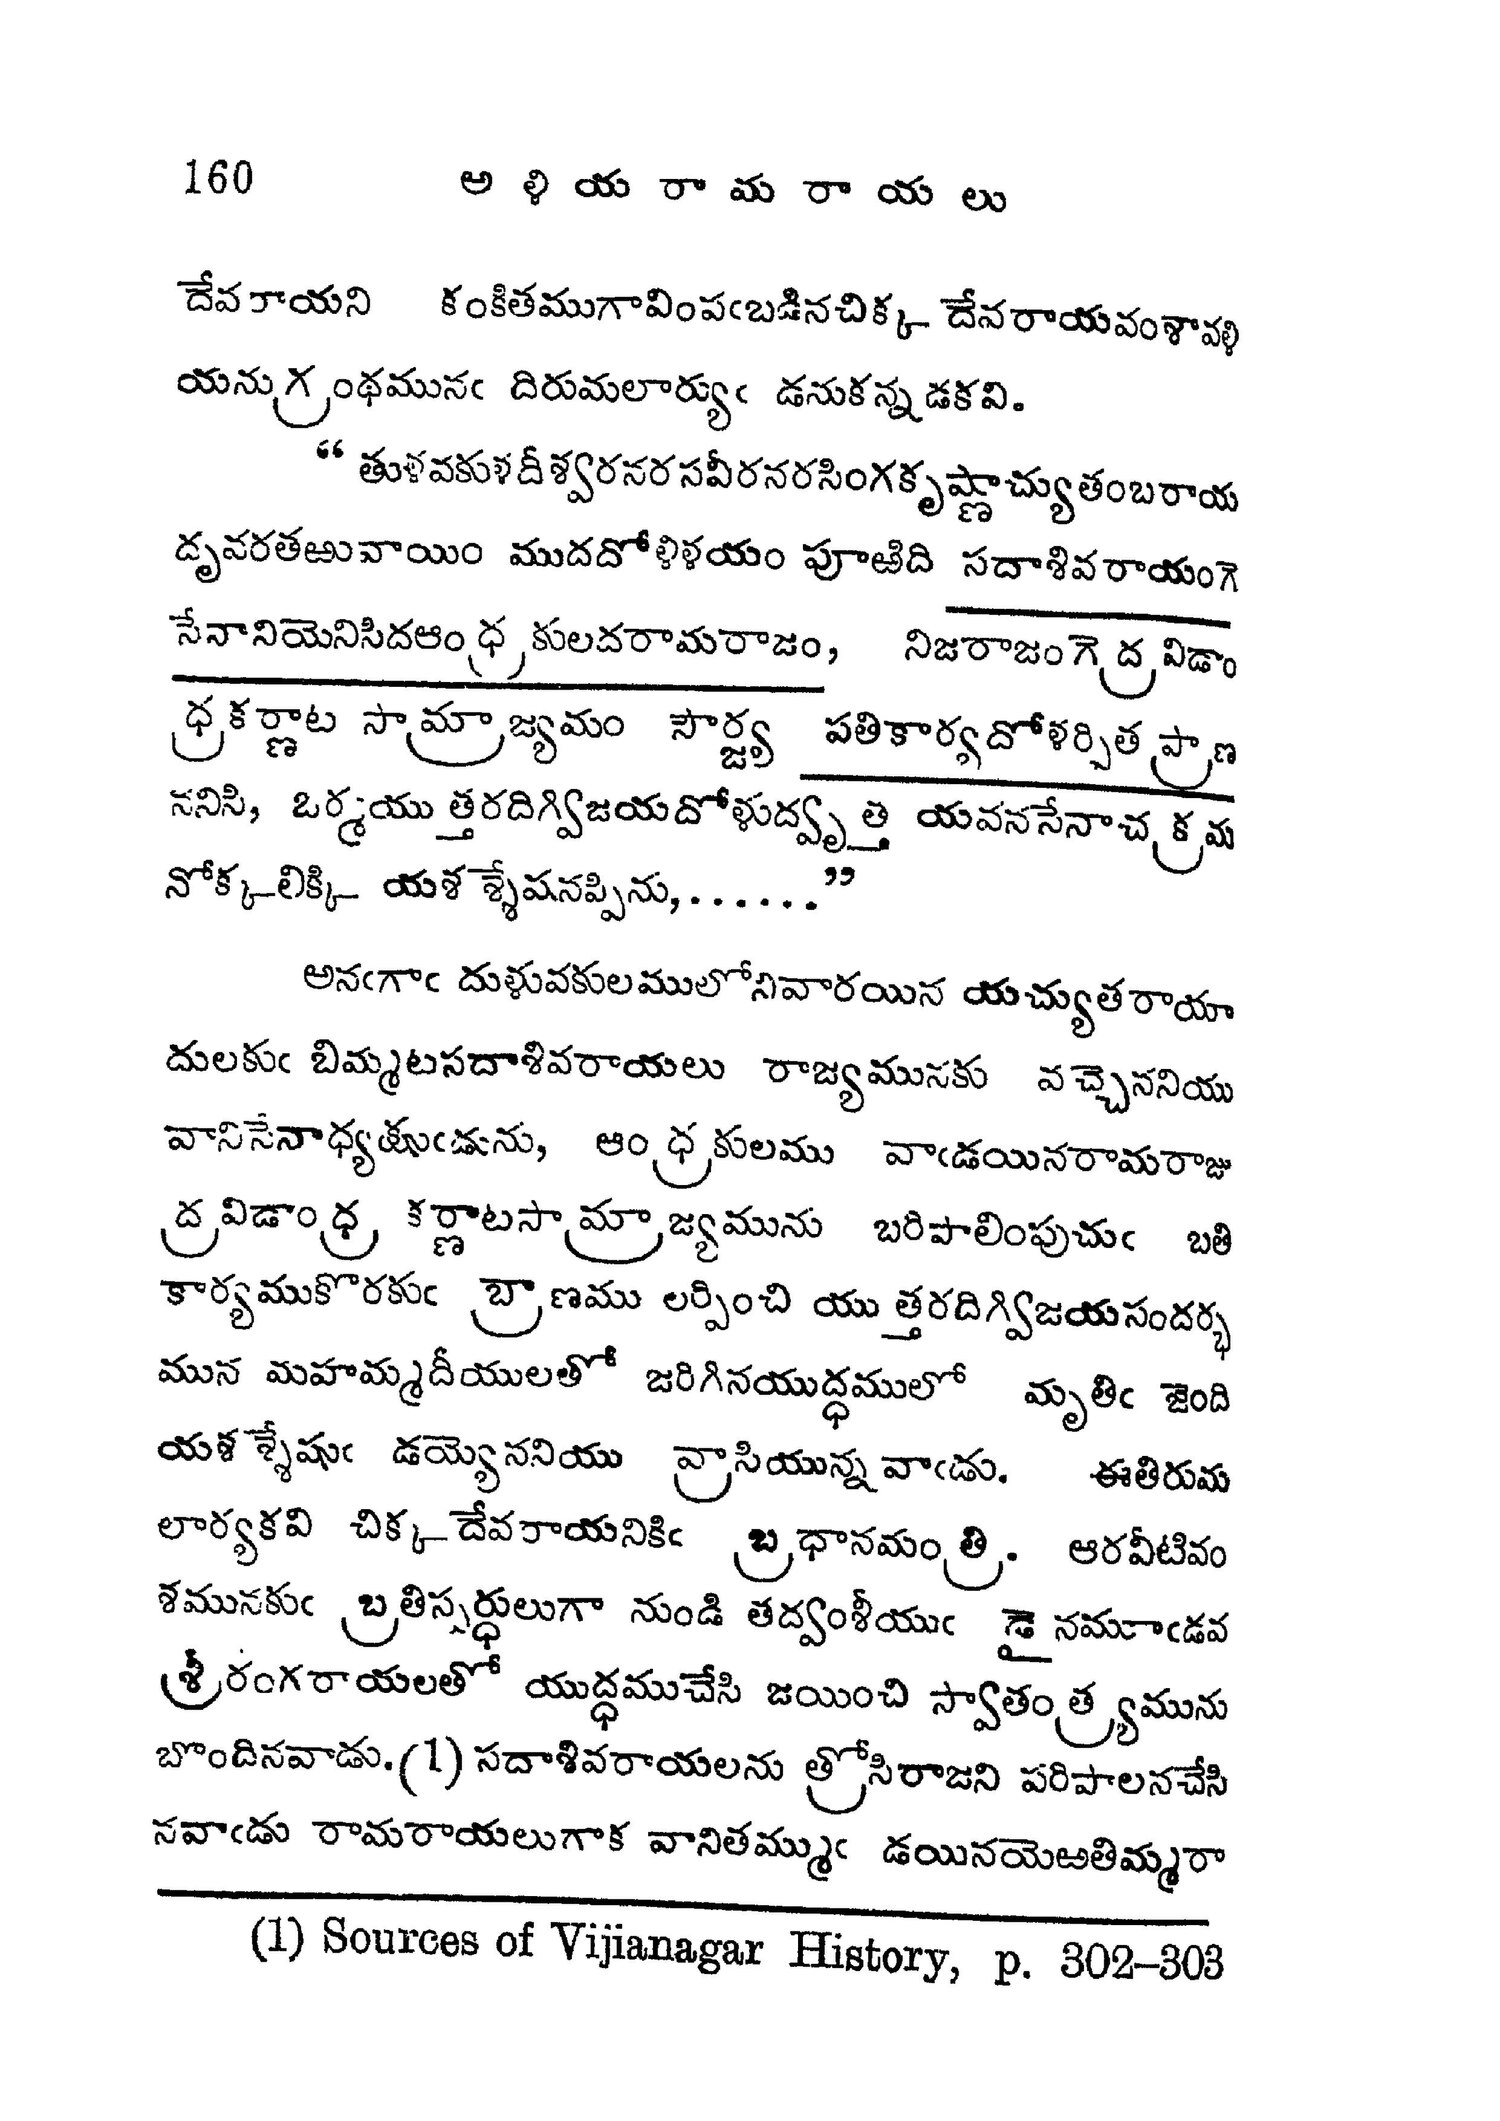దేవరాయని కంకితముగావింపబడిన చిక్కదేవరాయవంశావళి యనుగ్రంథమున దిరుమలార్యు డనుకన్నడకవి.

"తుళవకుళదీశ్వరనరసవీర నరసింగకృష్ణాచ్యుతంబరాయ దృవరతఱువాయిం ముదదోళిళయం పూఱిది సదాశివరాయంగె సేనానియెనిసిదఆంధ్రకులదరామరాజం, నిజరాజంగెద్రనిడాంధ్రకర్ణాట సామ్రాజ్యమం, సౌర్జ్య పతికార్యదోళర్పితప్రాణననిసి, ఒర్మయుత్తరదిగ్విజయదోళుద్వృత్త యవనసేనాచక్రమ నోక్కలిక్కి యశశ్శేషనప్పిను,........."

అనగా దుళువకులములోనివారయిన యచ్యుతరాయాదులకు బిమ్మటసదాశివరాయలు రాజ్యమునకు వచ్చెననియు వానిసేనాధ్యక్షుడును, ఆంధ్రకులము వాడయినరామరాజు ద్రవిడాంధ్ర కర్ణాటసామ్రాజ్యమును బరిపాలింపుచు బతికార్యముకొరకు బ్రాణము లర్పించి యుత్తరదిగ్విజయసందర్భమున మహమ్మదీయులతో జరిగినయుద్ధములో మృతి జెంది యశశ్శేషు డయ్యెననియు వ్రాసియున్నవాడు. ఈతిరుమలార్యకవి చిక్కదేవరాయనికి బ్రధానమంత్రి. ఆరవీటివంశమునకు బ్రతిస్పర్ధులుగా నుండి తద్వంశీయు డైనమూడవ శ్రీరంగరాయలతో యుద్ధముచేసి జయించి స్వాతంత్ర్యమును బొందినవాడు. సదాశివరాయలను త్రోసిరాజని పరిపాలనచేసినవాడు రామరాయలుగాక వానితమ్ము డయినయెఱతిమ్మరా